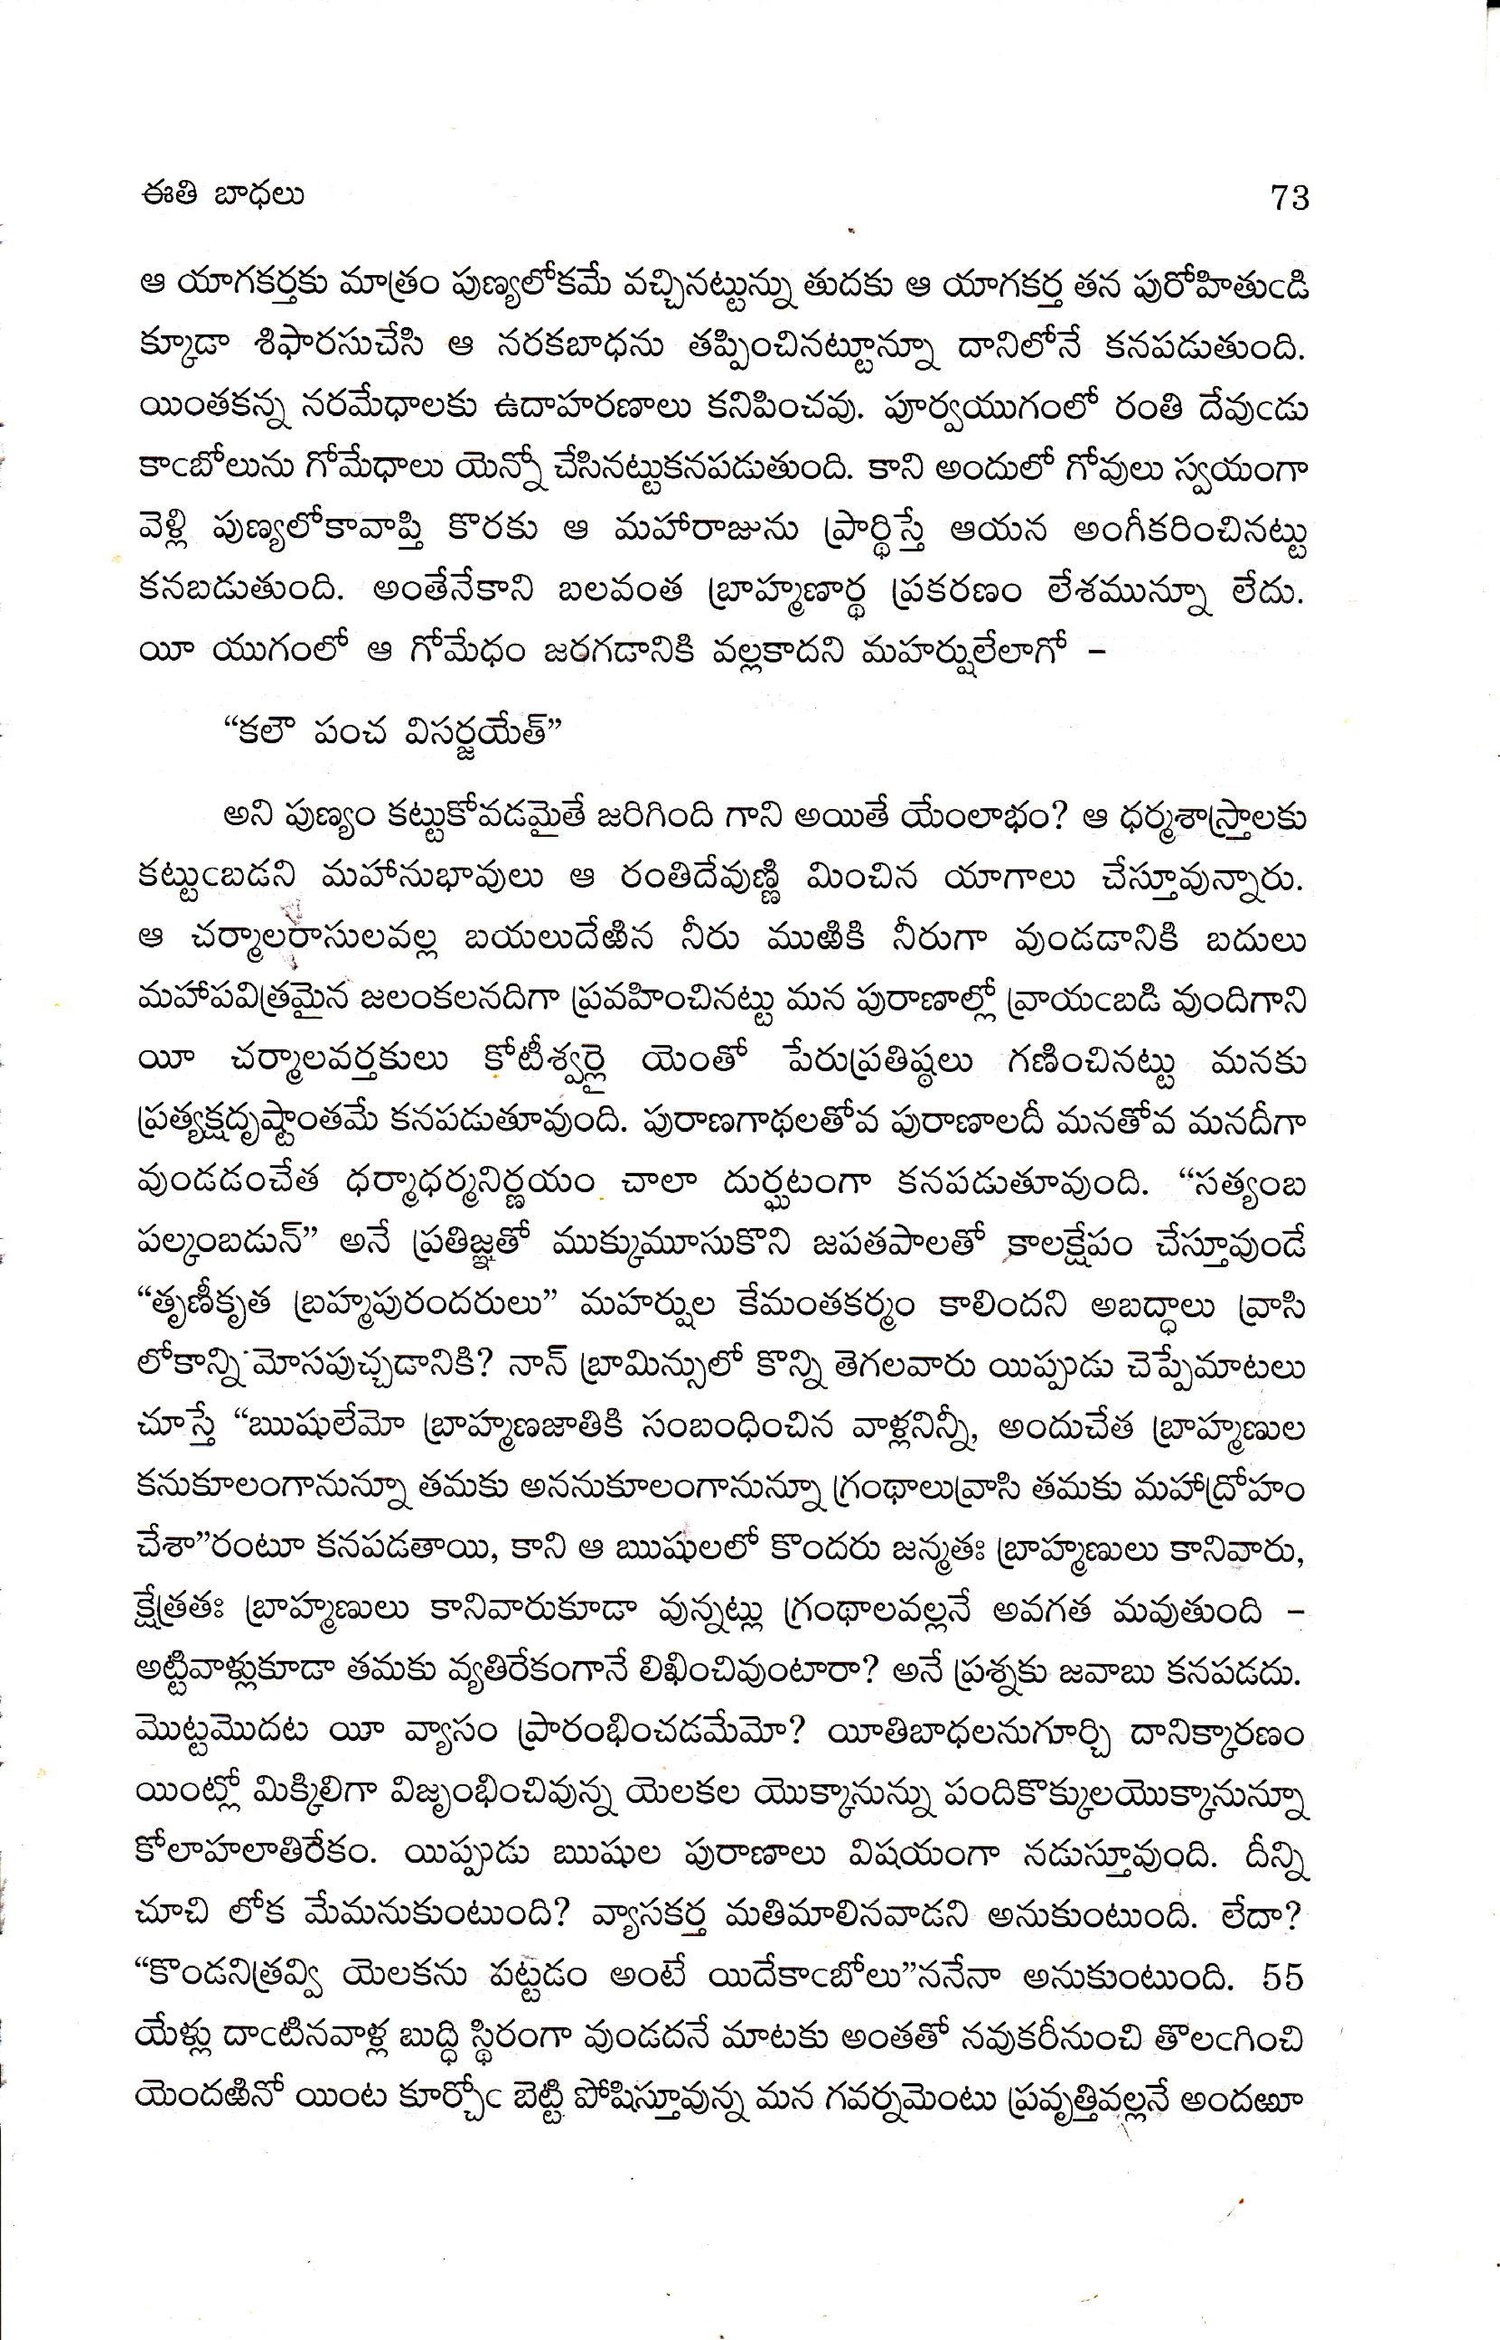ఆ యాగకర్తకు మాత్రం పుణ్యలోకమే వచ్చినట్టున్ను తుదకు ఆ యాగకర్త తన పురోహితుcడి క్కూడా శిఫారసుచేసి ఆ నరకబాధను తప్పించినటూన్నూ దానిలోనే కనపడుతుంది. యింతకన్న నరమేధాలకు ఉదాహరణాలు కనిపించవు. పూర్వయుగంలో రంతి దేవుండు కాcబోలును గోమేధాలు యెన్నో చేసినట్టుకనపడుతుంది. కాని అందులో గోవులు స్వయంగా వెళ్లి పుణ్యలోకావాప్తి కొరకు ఆ మహారాజును ప్రార్థిస్తే ఆయన అంగీకరించినట్టు కనబడుతుంది. అంతేనేకాని బలవంత బ్రాహ్మణార్థ ప్రకరణం లేశమున్నూ లేదు. యీ యుగంలో ఆ గోమేధం జరగడానికి వల్లకాదని మహరులేలాగో -
“కలె" పంచ విసర్జయేత్
అని పుణ్యం కట్టుకోవడమైతే జరిగింది గాని అయితే యేంలాభం? ఆ ధర్మశాస్తాలకు కట్టుంబడని మహానుభావులు ఆ రంతిదేవుణ్ణి మించిన యాగాలు చేస్తూవున్నారు. ఆ చర్మాలరాసులవల్ల బయలుదేటిన నీరు ముడికి నీరుగా వుండడానికి బదులు మహాపవిత్రమైన జలంకలనదిగా ప్రవహించినట్టు మన పురాణాల్లో వ్రాయంబడి వుందిగాని యీ చర్మాలవర్తకులు కోటీశ్వర్లై యెంతో పేరుప్రతిష్టలు గణించినట్టు మనకు ప్రత్యక్షదృష్టాంతమే కనపడుతూవుంది. పురాణగాథలతోవ పురాణాలదీ మనతోవ మనదీగా వుండడంచేత ధర్మాధర్మనిర్ణయం చాలా దుర్ఘటంగా కనపడుతూవుంది. "సత్యంబ పల్కంబడున్” అనే ప్రతిజ్ఞతో ముక్కుమూసుకొని జపతపాలతో కాలక్షేపం చేస్తూవుండే “తృణీకృత బ్రహ్మపురందరులు" మహరుల కేమంతకర్మం కాలిందని అబద్ధాలు వ్రాసి లోకాన్ని మోసపుచ్చడానికి? నాన్ బ్రామిన్సులో కొన్ని తెగలవారు యిప్పడు చెప్పేమాటలు చూస్తే "ఋషులేమో బ్రాహ్మణజాతికి సంబంధించిన వాళ్లనిన్నీ అందుచేత బ్రాహ్మణుల కనుకూలంగానున్నూతమకు అననుకూలంగానున్నూ గ్రంథాలు వ్రాసి తమకు మహాద్రోహం చేశారంటూ కనపడతాయి, కాని ఆ ఋషులలో కొందరు జన్మతః బ్రాహ్మణులు కానివారు, క్షేత్రతః బ్రాహ్మణులు కానివారుకూడా వున్నట్లు గ్రంథాలవల్లనే అవగత మవుతుంది - అట్టివాళ్లకూడా తమకు వ్యతిరేకంగానే లిఖించివుంటారా? అనే ప్రశ్నకు జవాబు కనపడదు. మొట్టమొదట యీ వ్యాసం ప్రారంభించడమేమో? యీతిబాధలనుగూర్చి దానిక్కారణం యింట్లో మిక్కిలిగా విజృంభించివున్న యొలకల యొక్కానున్ను పందికొక్కులయొక్కానున్నూ కోలాహలాతిరేకం. యిప్పడు ఋషుల పురాణాలు విషయంగా నడుస్తూవుంది. దీన్ని చూచి లోక మేమనుకుంటుంది? వ్యాసకర్త మతిమాలినవాడని అనుకుంటుంది. లేదా? “కొండనిత్రవ్వి యొలకను పట్టడం అంటే యిదేకాCబోలు"ననేనా అనుకుంటుంది. 55 యేళ్లు దాఁటినవాళ్ల బుద్ధి స్థిరంగా వుండదనే మాటకు అంతతో నవకరీనుంచి తొలంగించి యెందటినో యింట కూర్చోం బెట్టి పోషిస్తూవున్న మన గవర్నమెంటు ప్రవృత్తివల్లనే అందఱూ